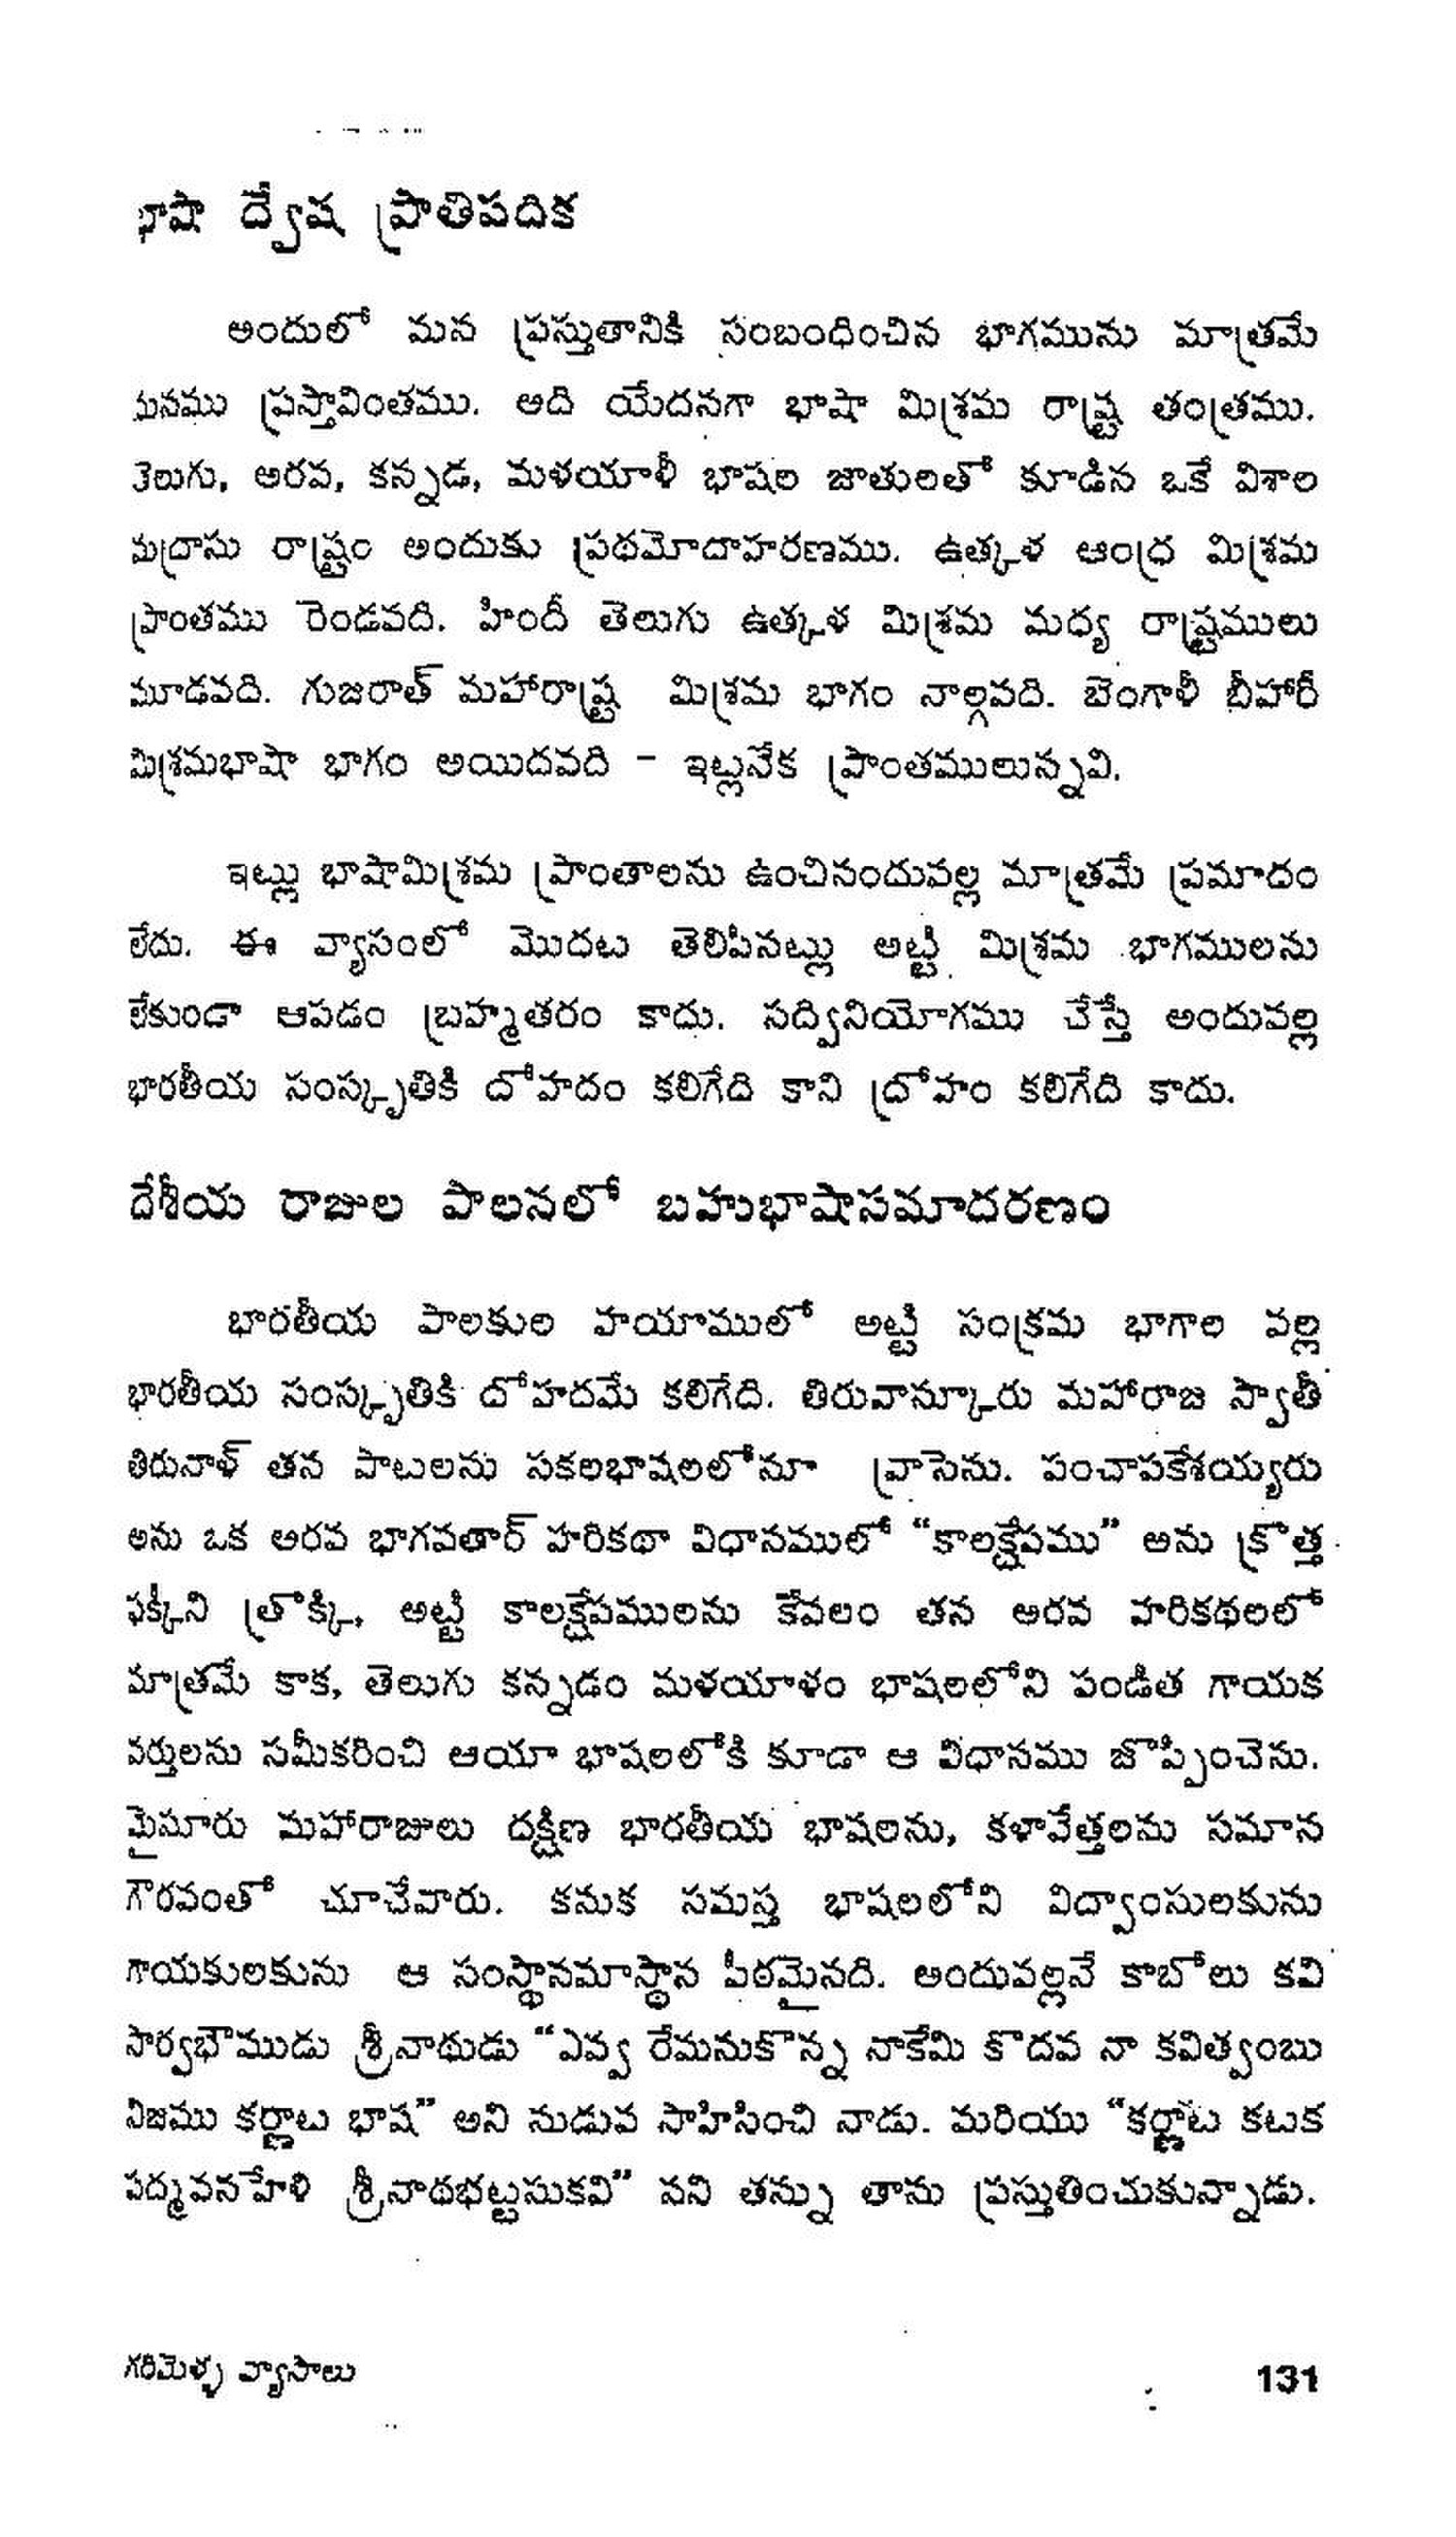భాషా ద్వేష ప్రాతిపదిక
 
అందులో మన ప్రస్తుతానికి సంబంధించిన భాగమును మాత్రమే మనము ప్రస్తావింతము. అది యేదనగా భాషా మిశ్రమ రాష్ట్ర తంత్రము. తెలుగు, అరవ, కన్నడ, మళయాళీ భాషల జాతులతో కూడిన ఒకే విశాల మద్రాసు రాష్ట్రం అందుకు ప్రథమోదాహరణము. ఉత్కళ ఆంధ్ర మిశ్రమ ప్రాంతము రెండవది. హిందీ తెలుగు ఉత్కళ మిశ్రమ మధ్య రాష్ట్రములు మూడవది. గుజరాత్ మహారాష్ట్ర మిశ్రమ భాగం నాల్గవది. బెంగాళీ బీహారీ మిశ్రమభాషా భాగం అయిదవది - ఇట్లనేక ప్రాంతములున్నవి.

ఇట్లు భాషామిశ్రమ ప్రాంతాలను ఉంచినందువల్ల మాత్రమే ప్రమాదం లేదు. ఈ వ్యాసంలో మొదట తెలిపినట్లు అట్టి మిశ్రమ భాగములను లేకుండా ఆపడం బ్రహ్మతరం కాదు. సద్వినియోగము చేస్తే అందువల్ల భారతీయ సంస్కృతికి దోహదం కలిగేది కాని ద్రోహం కలిగేది కాదు.

దేశీయ రాజుల పాలనలో బహుభాషాసమాదరణం
 
భారతీయ పాలకుల హయాములో అట్టి సంక్రమ భాగాల వల్ల భారతీయ సంస్కృతికి దోహదమే కలిగేది. తిరువాన్కూరు మహారాజ స్వాతీతిరునాళ్ తన పాటలను సకలభాషలలోనూ వ్రాసెను. పంచాపకేశయ్యరు అను ఒక అరవ భాగవతారు హరికథా విధానములో "కాలక్షేపము" అను క్రొత్త ఫక్కీని త్రొక్కి, అట్టి కాలక్షేపములను కేవలం తన అరవ హరికథలలో మాత్రమే కాక, తెలుగు కన్నడం మళయాళం భాషలలోని పండిత గాయక వర్తులను సమీకరించి ఆయా భాషలలోకి కూడా ఆ విధానము జొప్పించెను. మైసూరు మహారాజులు దక్షిణ భారతీయ భాషలను, కళావేత్తలను సమాన గౌరవంతో చూచేవారు. కనుక సమస్త భాషలలోని విద్వాంసులకును గాయకులకును ఆ సంస్థానమాస్థాన పీఠమైనది. అందువల్లనే కాబోలు కవి సార్వభౌముడు శ్రీనాథుడు "ఎవ్వ రేమనుకొన్న నాకేమి కొదవ నాకవిత్వంబు నిజము కర్ణాటక భాష" అని నుడువ సాహసించి నాడు. మరియు "కర్ణాట కటక పద్మవనహేళి శ్రీనాథభట్టసుకవి" నని తన్ను తాను ప్రస్తుతించుకున్నాడు.